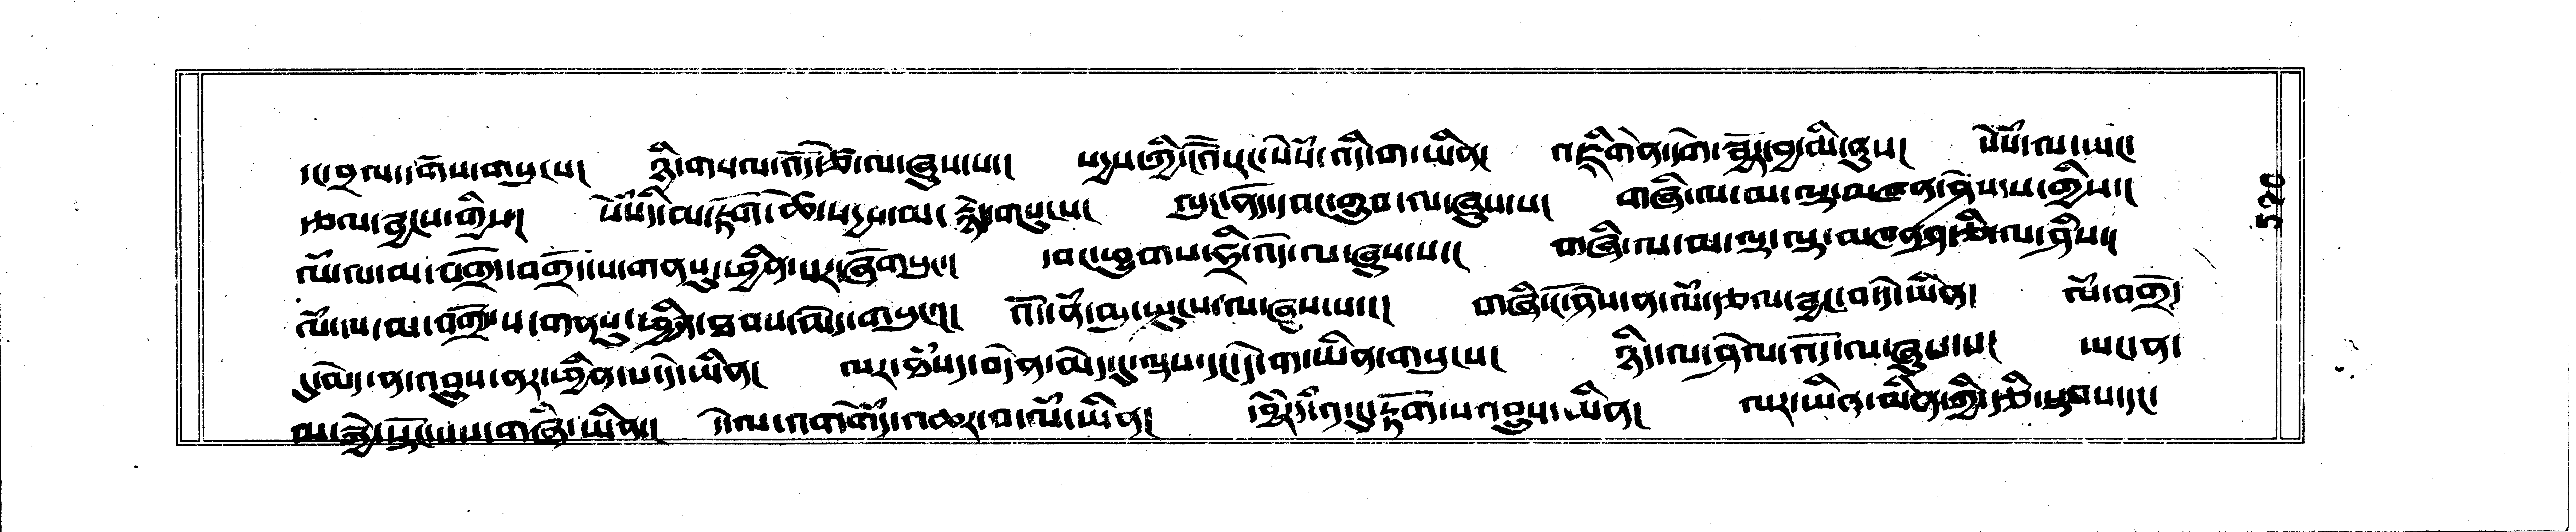མཐའ་དང་བྲལ་དགོས་གསུངས། ཉི་གསལ་འོད་རྩེ་ལ་ཞུས་པ། སངས་རྒྱས་ཀྱིས་ངོའོ་རང་གིས་སེམས་ཉིད་ཡིན། འཇིག་རྟེན་གྱི་དགེ་སྦྱོར་བྱ་མི་དགོས། སེམས་ལ་ཡང་
རྩལ་སྦྱང་གྱིས། སེམས་ཉིད་མ་མཐོང་ཚེ་སངས་རྒྱས་མི་རྙེད་གསུངས། ལུང་ནོན་དབང་གྲུབ་ལ་ཞུས་པ། གཞི་ལ་ཡང་ཡང་མ་ལྟ། ལྟ་མཁན་ཤེས་པར་གྱིས།
ལམ་ཡང་མ་བསྒྲོད། བསྒྲོད་མཁན་རང་སར་ཞོག་གསུངས། དབང་ཕྱུག་ཧྲིང་འོད་ལ་ཞུས་པ། གཞི་ལ་མ་བལྟས་ཚེ་ལྟ་མཁན་ཅི་ལ་ཤེས།
ལམ་ལ་མ་བསྒྲོད་ཚེ་གནས་སུ་ཕྱིན་ཐབས་མེད་གསུངས། འོད་ནམ་མུ་སྤུངས་ལ་ཞུས་པ། གཞི་ངོ་ཤེས་ན། ལམ་རྩལ་སྦྱང་བ་དེ་ཡིན། ལམ་བསྒྲོད་
དུ་མེད་ན། འབྲས་བུ་ནར་ཕྱིན་པ་དེ་ཡིན། ལར་ཐམས་ཅད་བདེ་མེད་དུ་ལྟོས་དང་དེ་ཀ་ཡིན་གསུངས། ཉིད་ལ་ཤེལ་འོད་ལ་ཞུས་པ། ཡེ་ནས་
མ་སྐྱེས་སྟོང་པའི་གཞི་ཡིན། དེ་ལ་གྷག་(འགག)མེད་འཆར་བ་ལམ་ཡིན། དབྱེར་མེད་གཅིག་དུ་རྫོགས་པ་འབྲས་བུ་ཡིན། ལར་ཡིན་མིན་གྱི་རྩིས་བརྡབ་